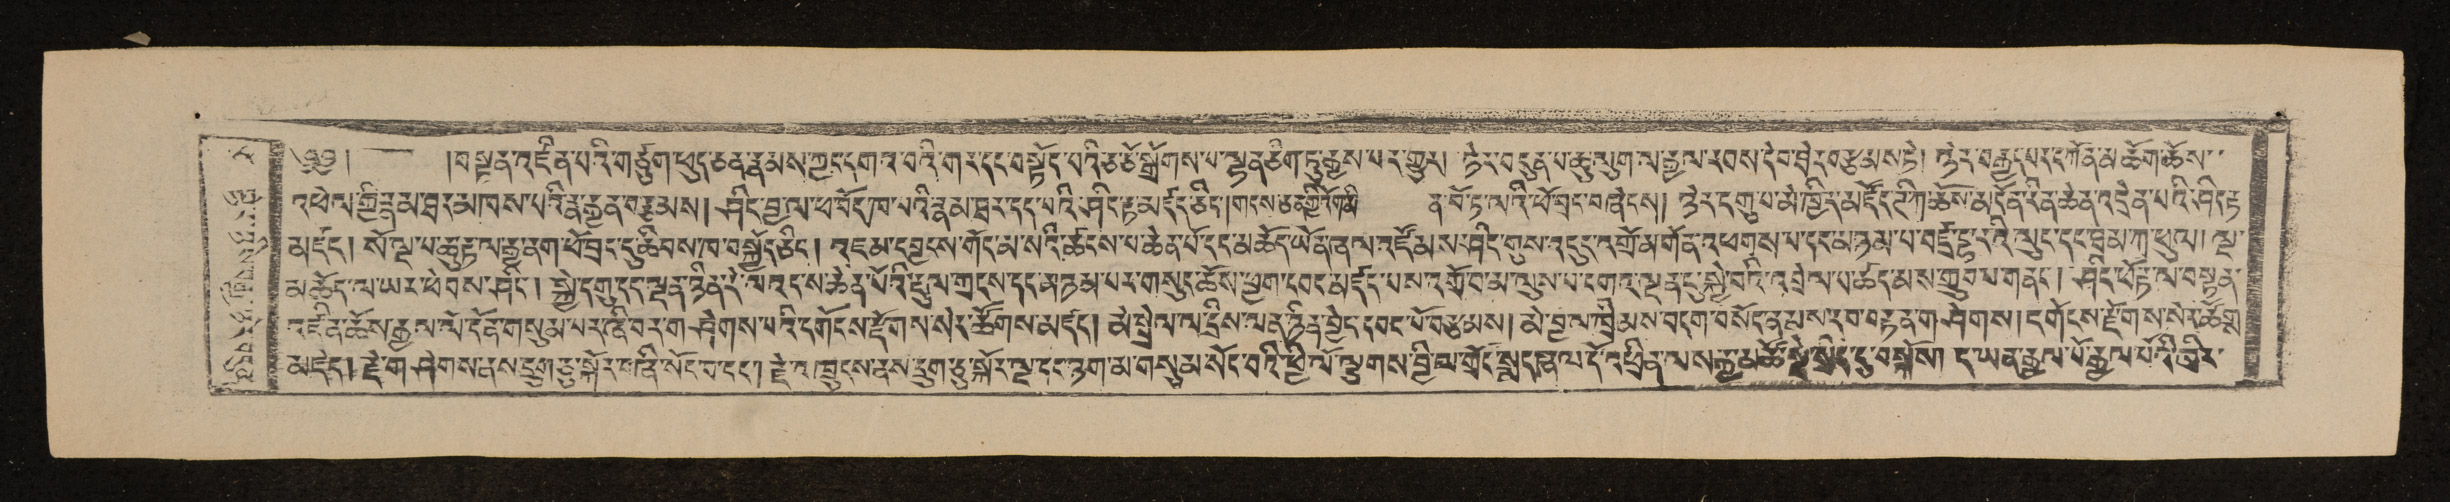༄༅། །བསྟན་འཛིན་པའི་གཙུག་ཕུད་ཅན་རྣམས་ཀྱང་དགའ་བའི་གར་དང་བསྟོད་པའི་ཅ་ཅོ་སྒྲོགས་པ་ལྷན་ཅིག་ཏུ་རྒྱས་པར་གྱུར། ཉེར་བདུན་པ་ཆུ་ལུག་ལ་རྒྱལ་རབས་དེབ་ཐེར་བརྩམས་ཏེ། ཉེར་བརྒྱད་པར་དཀོན་མཆོག་ཆོས་
འཕེལ་གྱི་རྣམ་ཐར་མཁས་པའི་རྣ་རྒྱན་བརྩམས། ཤིང་བྱ་ལ་ཕ་བོང་ཁ་པའི་རྣམ་ཐར་དད་པའི་ཤིང་རྟ་མཛད་ཅིང་། གངས་ཅན་གྱི་འོག་མིན་པོ་ཏ་ལའི་ཕོ་བྲང་བཞེངས། ཉེར་དགུ་བ་མེ་ཁྱིར་མཛོད་ཊིཀ་ཆོས་མངོན་རིན་ཆེན་འདྲེན་པའི་ཤིང་རྟ་
མཛད། སོ་ལྔ་པ་ཆུ་རྟ་ལ་རྒྱ་ནག་ཕོ་བྲང་དུ་ཆིབས་ཁ་བསྐྱོད་ཅིང་། འཇམ་དབྱངས་གོང་མ་སའི་ཚངས་པ་ཆེན་པོ་དང་མཆོད་ཡོན་ཞལ་འཛོམས་ཤིང་གུས་འདུད་འགྲོ་མགོན་འཕགས་པ་དང་མཉམ་པ་བཛྲ་དྷ་རའི་ལུང་དང་ཐམ་ཀ་ཕུལ། ལྔ་
མཆོད་ལ་ཡར་ཕེབས་ཤིང་། སྐྱེ་དགུ་དང་ལྡན་ཉིན་རེ་ལའང་ས་ཆེན་པོའི་རྡུལ་གྲངས་དང་མཉམ་པར་གསུང་ཆོས་ཕྱག་དབང་མཛད་པས་འགྲོ་བ་མ་ལུས་པ་དགའ་ལྡན་དུ་སྐྱེ་བའི་འབྲེལ་བ་ཚད་མས་གྲུབ་པ་གནང་། ཤིང་ཕོ་རྟ་ལ་བསྟན་
འཛིན་ཆོས་རྒྱལ་ལོ་དོན་གསུམ་པར་ཞི་བར་གཤེགས་པའི་དགོངས་རྫོགས་སེར་ཚོགས་མཛད། མེ་སྤྲེལ་ལ་དྲིས་ལན་ཉིན་བྱེད་དབང་པོ་བརྩམས། མེ་བྱ་ལ་ཁྲིམས་བདག་བསོད་ནམས་རབ་བརྟན་གཤེགས། དགོངས་རྫོགས་སེར་ཚོགས་
མཛད། རྗེ་གཤེགས་ནས་དྲུག་ཅུ་སྐོར་བཞི་སོང་བ་དང་། རྗེ་འཁྲུངས་ནས་དྲུག་ཅུ་སྐོར་ལྔ་དང་ཉག་མ་གསུམ་སོང་བའི་ཕྱི་ལོ་ལྕགས་བྱི་ལ་གྲོང་སྨད་ཞལ་ངོ་འཕྲིན་ལས་རྒྱ་མཚོ་སྡེ་སྲིད་དུ་བསྐོས། ད་ཡན་རྒྱལ་པོ་རྒྱལ་པོའི་ཁྲིར་